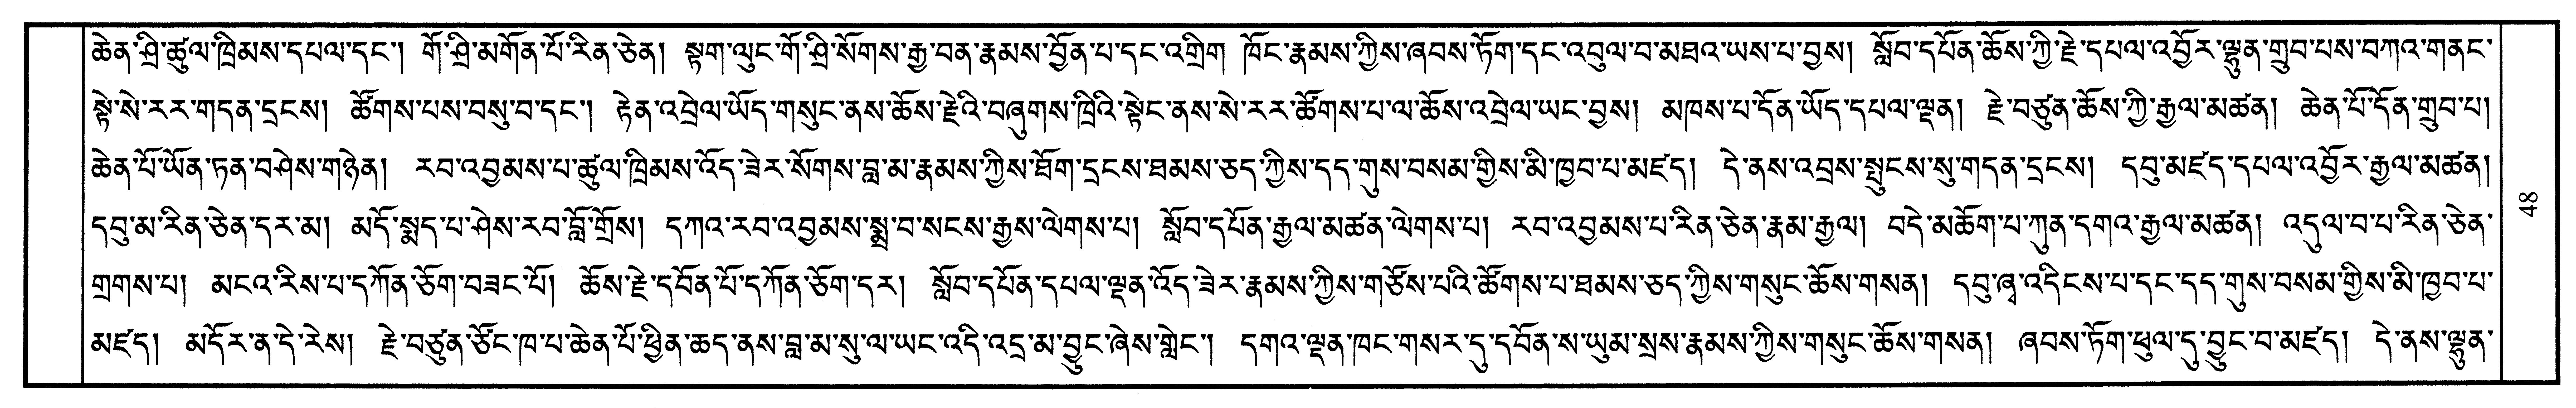ཆེན་ཤྲི་ཚུལ་ཁྲིམས་དཔལ་དང་། གོ་ཤྲི་མགོན་པོ་རིན་ཅེན། སྟག་ལུང་གི་ཤྲི་སོགས་རྒྱ་བན་རྣམས་བྱོན་པ་དང་འགྲིག་ཁོང་རྣམས་ཀྱིས་ཞབས་ཏོག་དང་འབུལ་བ་མཐའ་ཡས་པ་བྱས། སློབ་དཔོན་ཆོས་ཀྱི་རྗེ་དཔལ་འབྱོར་ལྷུན་གྲུབ་པས་བཀའ་གནང་
སྟེ་སེ་རར་གདན་དྲངས། ཚོགས་པས་བསུ་པ་དང་། རྟེན་འབྲེལ་ཡོད་གསུང་ནས་ཆོས་རྗེའི་བཞུགས་ཁྲིའི་སྟེང་ནས་སེ་རར་ཚོགས་པ་ལ་ཆོས་འབྲེལ་ཡང་བྱས། མཁས་པ་དོན་ཡོད་དཔལ་ལྡན། རྗེ་བཙུན་ཆོས་ཀྱི་རྒྱལ་མཚན། ཆེན་པོ་དོན་གྲུབ་པ།
ཆེན་པོ་ཡོན་ཏན་བཤེས་གཉེན། རབ་འབྱམས་པ་ཚུལ་ཁྲིམས་འོད་ཟེར་སོགས་བླ་མ་རྣམས་ཀྱིས་ཐོག་དྲངས་ཐམས་ཅད་ཀྱིས་དད་གུས་བསམ་གྱིས་མི་ཁྱབ་པ་མཛད། དེ་ནས་འབྲས་སྤུངས་སུ་གདན་དྲངས། དབུ་མཛད་དཔལ་འབྱོར་རྒྱལ་མཚན་
དབུ་མ་རིན་ཅེན་དར་མ། མདོ་སྨད་པ་ཤེས་རབ་བློ་གྲོས། དཀའ་རབ་འབྱམས་སྨྲ་བ་སངས་རྒྱས་ལེགས་པ། སློབ་དཔོན་རྒྱལ་མཚན་ལེགས་པ། རབ་འབྱམས་པ་རིན་ཅེན་རྣམ་རྒྱལ། བདེ་མཆོག་པ་ཀུན་དགའ་རྒྱལ་མཚན། འདུལ་བ་པ་རིན་ཅེན་
གྲགས་པ། མངའ་རིས་པ་དཀོན་ཅོག་བཟང་པོ། ཆོས་རྗེ་དབོན་པོ་དཀོན་ཅོག་དར། སློབ་དཔོན་དཔལ་ལྡན་འོད་ཟེར་རྣམས་ཀྱིས་གཙོས་པའི་ཚོགས་པ་ཐམས་ཅད་ཀྱིས་གསུང་ཆོས་གསན། དབུ་ཞྭ་འདིངས་པ་དང་དད་གུས་བསམ་གྱིས་མི་ཁྱབ་པ་
མཛད། མདོར་ན་དེ་རེས། རྗེ་བཙུན་ཙོང་ཁ་པ་ཆེན་པོ་ཕྱིན་ཆད་ནས་བླ་མ་སུ་ལ་ཡང་འདི་འདྲ་མ་བྱུང་ཞེས་གླེང་། དགའ་ལྡན་ཁང་གསར་དུ་དབོན་ས་ཡུམ་སྲས་རྣམས་ཀྱིས་གསུང་ཆོས་གསན། ཞབས་ཏོག་ཕུལ་དུ་བྱུང་བ་མཛད། དེ་ནས་ལྷུན་